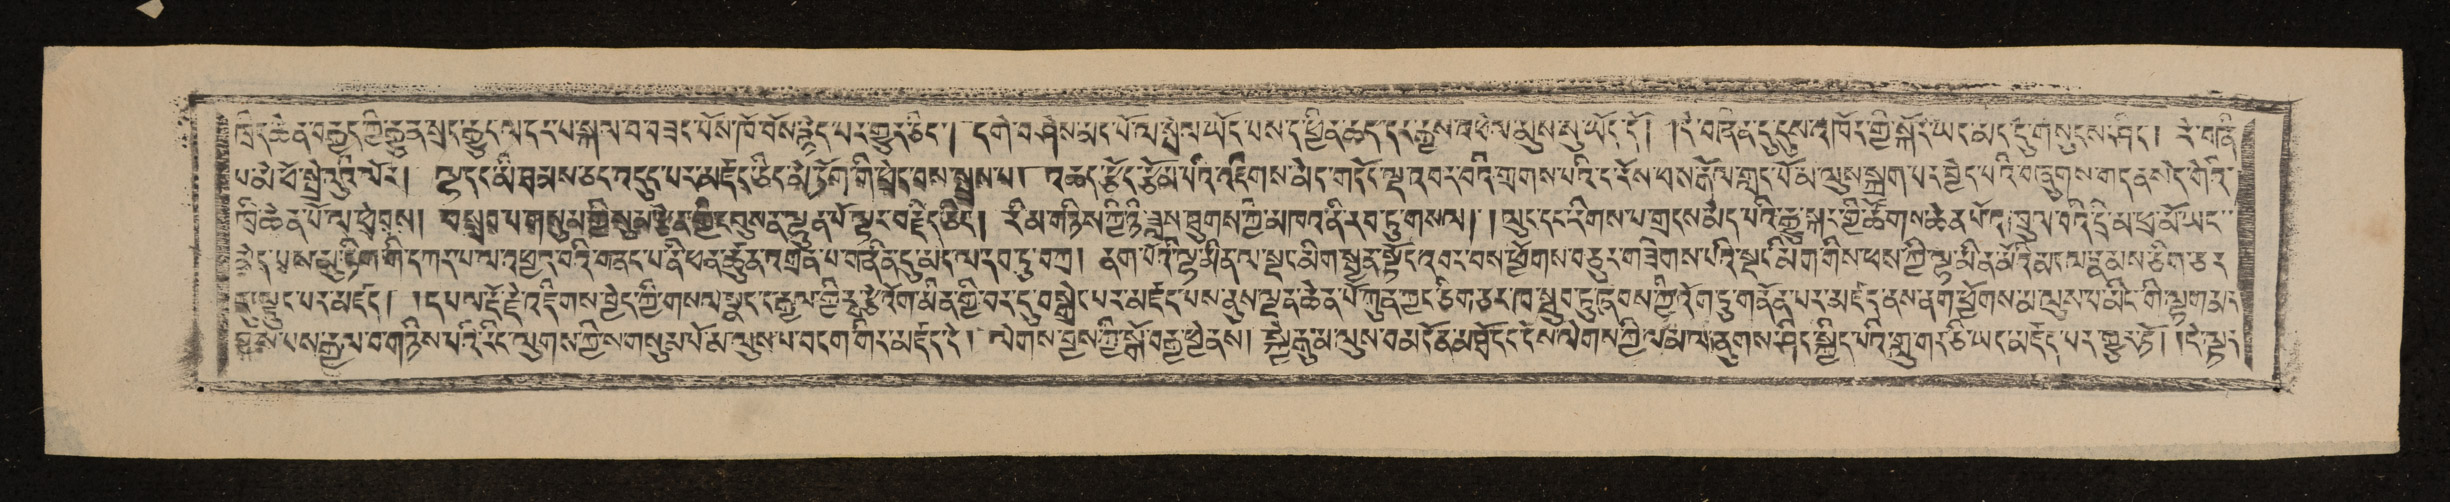ཁྲིད་ཆེན་བརྒྱད་ཀྱི་རྒྱུན་སྲད་རྒྱུད་ལ་དར་པ་སྐལ་བ་བཟང་པོས་ཁོ་བོས་རྙེད་པར་གྱུར་ཅིང་། དགེ་བ་ཤེས་མང་པོ་ལ་སྤེལ་ཡོད་པས་ད་ཕྱིན་ཆད་དར་རྒྱས་འཕེལ་མུས་སུ་ཡོད་དོ། །དེ་བཞིན་དུ་དུས་འཁོར་གྱི་སྐོར་ཡང་མང་དུ་གསུངས་ཤིང་། རེ་བཞི་
པ་མེ་ཕོ་སྤྲེའུའི་ལོར། ལྷ་དང་མི་ཐམས་ཅད་འདུད་པར་མཛད་ཅིང་མེ་ཏོག་གི་ཕྲེང་བས་སྤྲས་པ། འཆད་རྩོད་རྩོམ་པའི་འཇིགས་མེད་གདོད་ལྔ་འབར་བའི་གྲགས་པའི་ང་རོས་ཕས་རྒོལ་གླང་པོ་མ་ལུས་སྐྲག་པར་བྱེད་པའི་བཞུགས་གདན་སེང་གེའི་
ཁྲི་ཆེན་པོ་ལ་ཕེབས། བསླབ་པ་གསུམ་གྱི་སུམ་རྩེན་གྱི་དབུས་ན་ལྷུན་པོ་ལྟར་བརྗིད་ཅིང་། རིམ་གཉིས་ཀྱི་ཉི་ཟླས་ཐུགས་ཀྱི་མཁའ་ནི་རབ་ཏུ་གསལ། ལུང་དང་རིགས་པ་གྲངས་མེད་པའི་རྒྱུ་སྐར་གྱི་ཚོགས་ཆེན་པོ་འཁྲུལ་བའི་དྲི་མ་ཕྲ་མོ་ཡང་
མེད་པས་མུ་ཏིག་གི་དཀར་པ་ལ་འཕྱའ་བའི་བཞད་པ་ནི་ཕན་ཚུན་འགྲན་པ་བཞིན་དུ་མང་ལ་རབ་ཏུ་བཀྲ། ནག་པོའི་ལྷ་མིན་ལ་སྡང་མིག་སྤྱན་སྟོང་འབར་བས་ཕྱོགས་བཅུར་གཟིགས་པའི་སྡང་མིག་གིས་ཕས་ཀྱི་ལྷ་མིན་མོའི་མངལ་རྣམས་ཅིག་ཅར་
དུ་ལྷུང་པར་མཛད། དཔལ་རྡོ་རྗེ་འཇིགས་བྱེད་ཀྱི་གསལ་སྣང་ང་རྒྱལ་གྱི་རྭ་རྩེ་འོག་མིན་གྱི་བར་དུ་བསྒྲེང་པར་མཛད་པས་ནུས་ལྡན་ཆེན་པོ་ཀུན་ཀྱང་ཅིག་ཅར་ཁ་སྦུབ་ཏུ་ཞབས་ཀྱི་འོག་ཏུ་གནོན་པར་མཛད་ནས་ནག་ཕྱོགས་མ་ལུས་པ་མིང་གི་ལྷག་མར་
བྱས་པས་རྒྱལ་བ་གཉིས་པའི་རིང་ལུགས་ཀྱིས་གསུམ་པོ་མ་ལུས་པ་བདག་གིར་མཛད་དེ། ལེགས་བྱས་ཀྱི་སྒོ་བརྒྱ་ཕྱེ་ནས། སྐྱེ་རྒུ་མ་ལུས་བ་མངོན་མཐོ་དང་ངེས་ལེགས་ཀྱི་ལམ་ལ་ཞུགས་ཤིང་སྐྱིད་པའི་གླུ་གར་ཅི་ཡང་མཛད་པར་གྱུར་ཏོ། །དེ་ལྟར་